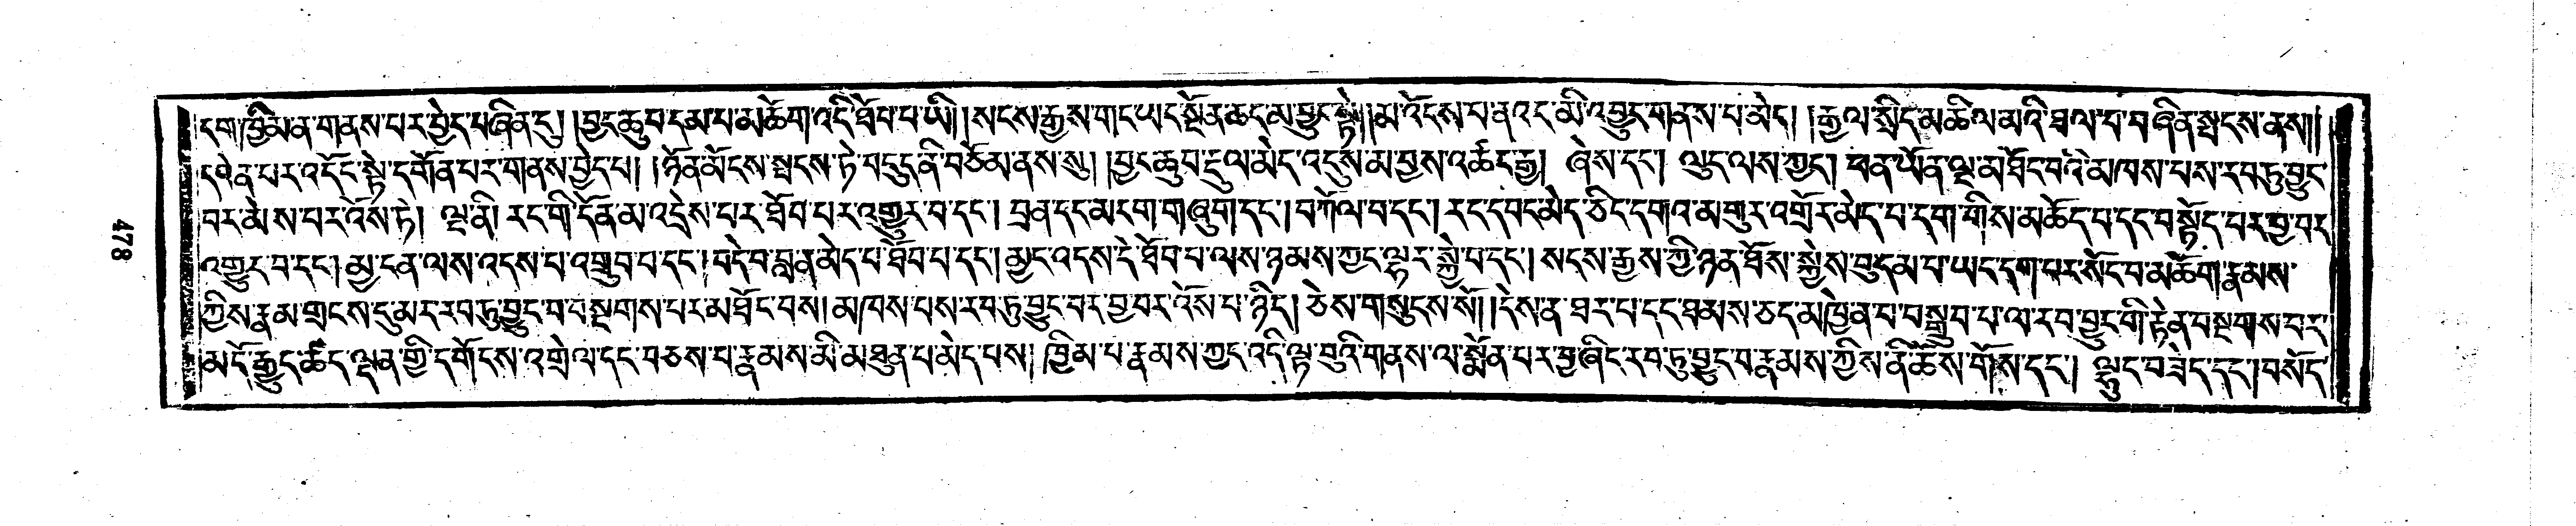དག་ཁྱེམ་ན་གནས་པར་བྱེད་བཞིན་དུ། །བྱང་ཆུབ་དམ་པ་མཆོག་འདི་ཐོབ་པ་ཡི། །སངས་རྒྱས་གང་ཡང་སྔོན་ཆད་མ་བྱུང་སྟེ། །མ་འོངས་པ་ནའང་མི་འབྱུང་གནས་པ་མེད། །རྒྱལ་སྲིད་མཆིལ་མའི་ཐལ་བ་བཞིན་སྤངས་ནས།།
དབེན་པར་འདོང་སྟེ་དགོན་པར་གནས་བྱེད་པ། །ཉོན་མོངས་སྤངས་ཏེ་བདུད་ནི་བཅོམ་ནས་སུ། །བྱང་ཆུབ་རྡུལ་མེད་འདུས་མ་བྱས་འཚང་རྒྱ། ཞེས་དང་། ལུང་ལས་ཀྱང་། ཕན་ཡོན་ལྔ་མཐོང་བའི་མཁས་པས་རབ་ཏུ་བྱུང་
བར་མོས་པར་འོས་ཏེ། ལྔ་ནི། རང་གི་དོན་མ་འདྲེས་པར་ཐོབ་པར་འགྱུར་བ་དང་། བྲན་དང་མངག་གཞུག་དང་། བཀོལ་བ་དང་། རང་དབང་མེད་ཅིང་དགའ་མགུར་འགྲོར་མེད་པ་དག་གིས་མཆོད་པ་དང་བསྟོད་པར་བྱ་བར་
འགྱུར་བ་དང་། མྱ་ངན་ལས་འདས་པ་འགྲུབ་པ་དང་། བདེ་བ་བླ་ན་མེད་པ་ཐོབ་པ་དང་། མྱང་འདས་དེ་ཐོབ་པ་ལས་ཉམས་ཀྱང་ལྷར་སྐྱེ་བ་དང་། སངས་རྒྱས་ཀྱི་ཉན་ཐོས་སྐྱེས་བུ་དམ་པ་ཡང་དག་པར་སོང་བ་མཆོག་རྣམས་
ཀྱིས་རྣམ་གྲངས་དུ་མར་རབ་ཏུ་བྱུང་བ་བསྔགས་པར་མཐོང་བས། མཁས་པས་རབ་ཏུ་བྱུང་བར་བྱ་བར་འོས་པ་ཉིད། ཅེས་གསུངས་སོ། །དེས་ན་ཐར་པ་དང་ཐམས་ཅད་མཁྱེན་པ་བསྒྲུབ་པ་ལ་རབ་བྱུང་གི་རྟེན་བསྔགས་པར་
མདོ་རྒྱུད་ཚད་ལྡན་གྱི་དགོངས་འགྲེལ་དང་བཅས་པ་རྣམས་མི་མཐུན་པ་མེད་པས། ཁྱིམ་པ་རྣམས་ཀྱང་འདི་ལྟ་བུའི་གནས་ལ་སྨོན་པར་བྱ་ཞིང་རབ་ཏུ་བྱུང་བ་རྣམས་ཀྱིས་ནི་ཆོས་གོས་དང་། ལྷུང་བཟེད་དང་། བསོད་